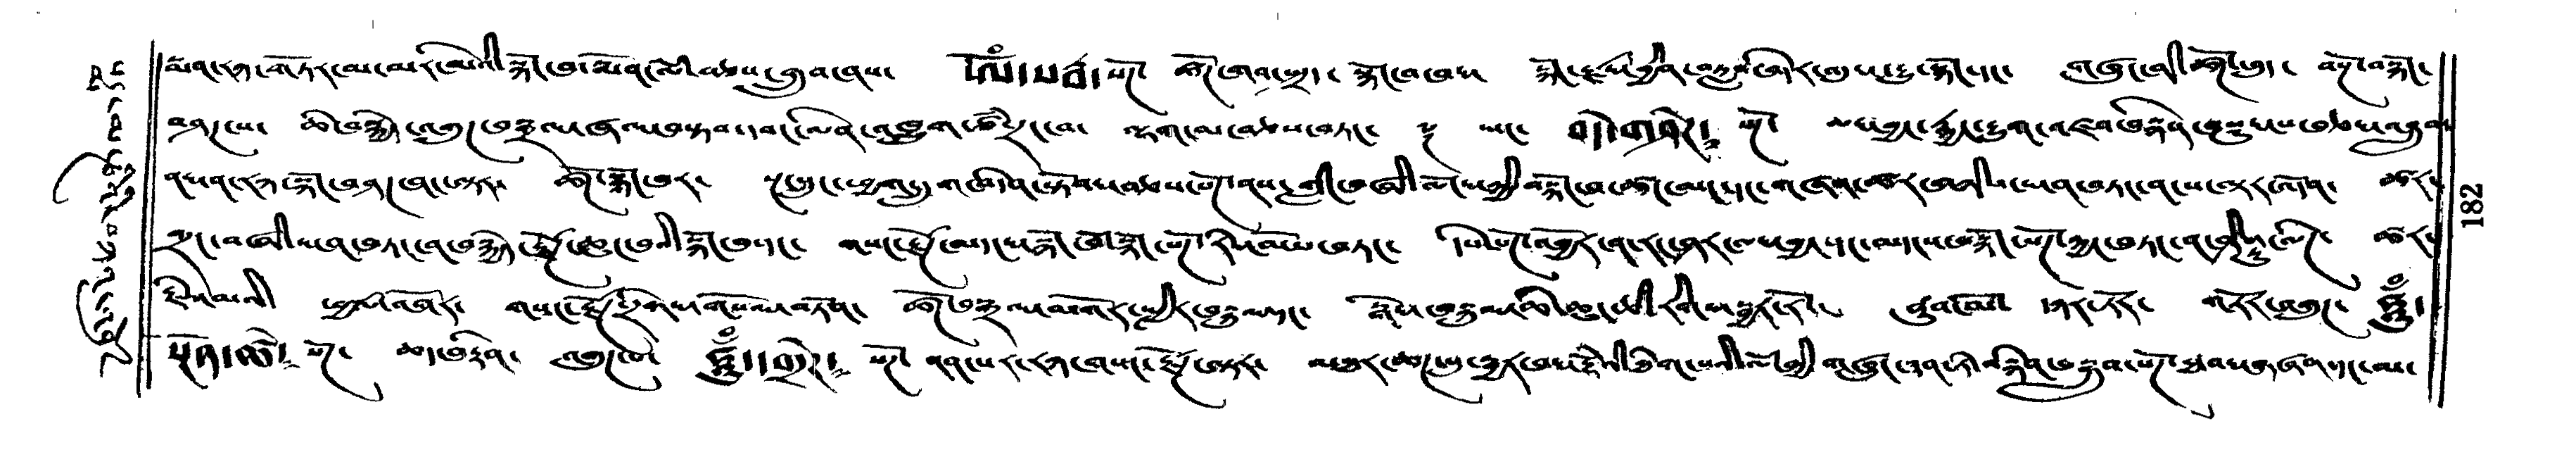སྨན་རཀ་གཏོར་མ་མར་མེའི་སྐོང་བ་སྨོན་ལམ་བཅས་གྲུབ་ནས། ཨོཾ་སརྦ༴ སོགས། ཚོགས་གབ་སྤྲད། སྐོང་བ་བར། སྐོང་རྫས་བྱིན་རླབས་བདེར་འདུས་རྒྱུ་སྐོང་དང་། གཞུང་ནི་ཚོགས་ཕུད། བསྔོ་སྐོང་
བཤགས་པ། ཆེ་བསྐྱེད་འགུགས་བསྒྲལ་ཞལ་བསྟབ་དབང་ལེན་འཁྱུག་ཙམ་དྲང་བ། ལྷག་མ་བཅས་གཏང་། ༈ ཡང་། བདེ་གཤེགས༴ སོགས། ལས་བྱང་རྐྱང་རྒྱུག་འཛབ་སྙེན་བསྡུས་པ་བཅས་གྲུབ་
ནས་ན་རཀ་སྐོང་བཤགས་ནང་ལྟར་ཚོགས་སྐོང་བར། སྔ་སྲུང་ཕྱག་དྲུག་བདེན་སྟོབས་བཅས་སོགས་ནས་གླིང་བཞི་ལོངས་ཀྱི་སྐོང་བ་ཚར་མང་དང་གཞན་ཚར་གཉིས་ཡན་བཏང་ན་ས་ལྟར་འདོན། ཚར་
གྲངས་བཞི་ཡན་བཏང་ན་སྐྱེད་རྫོགས་ཆུང་བའི་སྐོང་བ་དང་། གསང་རྫོགས་མདངས་སྐོང་བམ་སྐོང་སོགས་རེས་མོས་གཏང་། དཔེ་སོགས་འབྱོར་ན་རང་ཤར་ལས་བྱང་དང་མདངས་སྐོང་སོགས་ཀྱང་གཏོང་ན་ཤིན་ཏུ་ལེགས། ཚར་
རྗེས་མའི་ཕྱག་འཚལ་འགོར། གསང་རྫོགས་དྲེགས་གསོལ་གདོན། ཚོགས་བསྒྲལ་མགོར་སྤྱིར་སྐུལ་དང་། སྒོས་སྐུལ་ཆེ་ཆུང་ཅི་རིགས་སྦྱར་རོ། ནུབ་མོ། དཀར་གཏོར། གཏོར་འགུགས། ཧཱུྃ༔ 
སྔོན་ཚེ༴ སོགས། ཆད་བརྟན། འགུགས་པ། ཧཱུྃ༔ དགྲ་བགེགས༴ སོགས། མནན་པར་གསང་རྫོགས་ལྟར་མཐར་ཆགས་སུ་སྦྱར་བས་རྡོ་རྗེའི་ཐེག་པའི་ལམ་གྱི་གཞུང་ཟན་ཏེ་སྙེན་སྒྲུབ་སོགས་ཐབས་གཞན་ལ་མ་